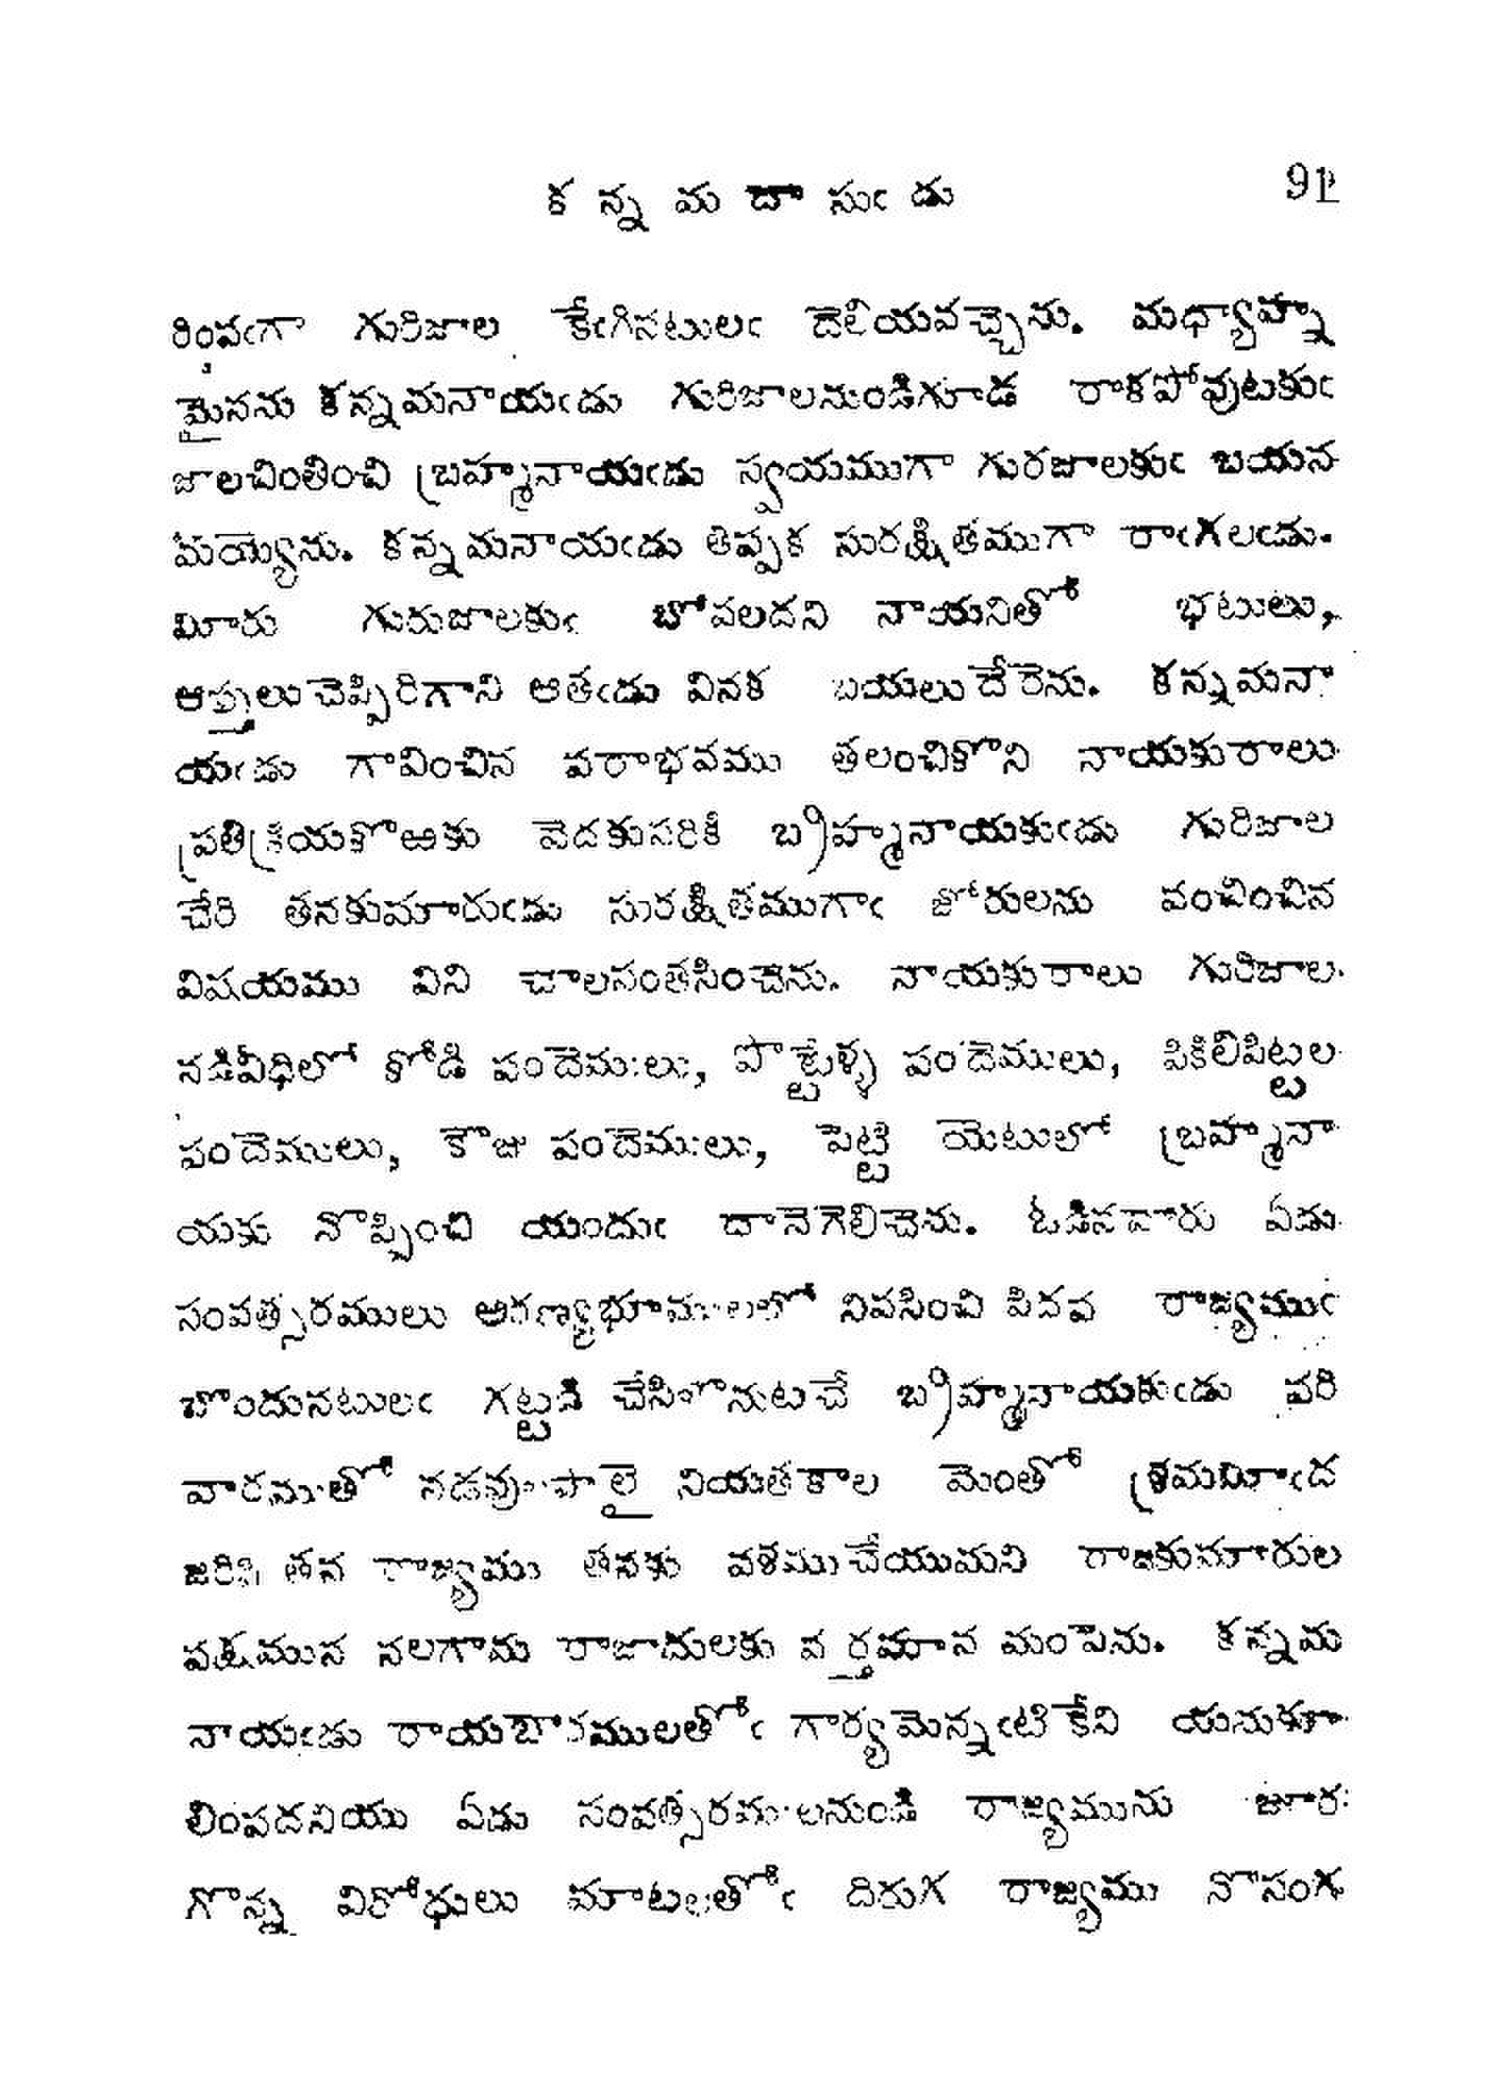రింపగా గురిజాల కేగినటుల దెలియవచ్చెను. మధ్యాహ్నమైనను కన్నమనాయడు గురిజాలనుండిగూడ రాకపోవుటకు జాలచింతించి బ్రహ్మనాయడు స్వయముగా గురుజాలకు బయనమయ్యెను. కన్నమనాయడు తప్పక సురక్షితముగా రాగలడు. మీరు గురుజాలకు బోవలదని నాయనితో భటులు, ఆప్తులుచెప్పిరిగాని ఆతడు వినక బయలుదేరెను. కన్నమనాయడు గావించిన పరాభవము తలంచికొని నాయకురాలు ప్రతిక్రియకొఱకు వెదకుసరికి బ్రహ్మనాయకుడు గురిజాల చేరి తనకుమారుడు సురక్షితముగా జోరులను వంచించిన విషయము విని చాలసంతసించెను. నాయకురాలు గురిజాల నడివీధిలో కోడి పందెములు, పొట్టేళ్ళ పందెములు, పికిలిపిట్టల పందెములు. కౌజు పందెములు, పెట్టి యెటులో బ్రహ్మనాయకు నొప్పించి యందు దానెగెలిచెను. ఓడినవారు ఏడుసంవత్సరములు అరణ్యభూములలో నివసించి పిదప రాజ్యము బొందునటుల గట్టడి చేసికొనుటచే బ్రహ్మనాయకుడు పరివారముతో నడవులపాలై నియతకాల మెంతో శ్రమమీద జరిపి తన రాజ్యము తనకు వశముచేయుమని రాజకుమారుల పక్షమున నలగామ రాజాదులకు వర్తమాన మంపెను. కన్నమనాయడు రాయబారములతో గార్యమెన్నటికేని యనుకూలింపదనియు ఏడు సంవత్సరములనుండి రాజ్యమును జూరగొన్న విరోధులు మాటలతో దిరుగ రాజ్యము నొసంగ